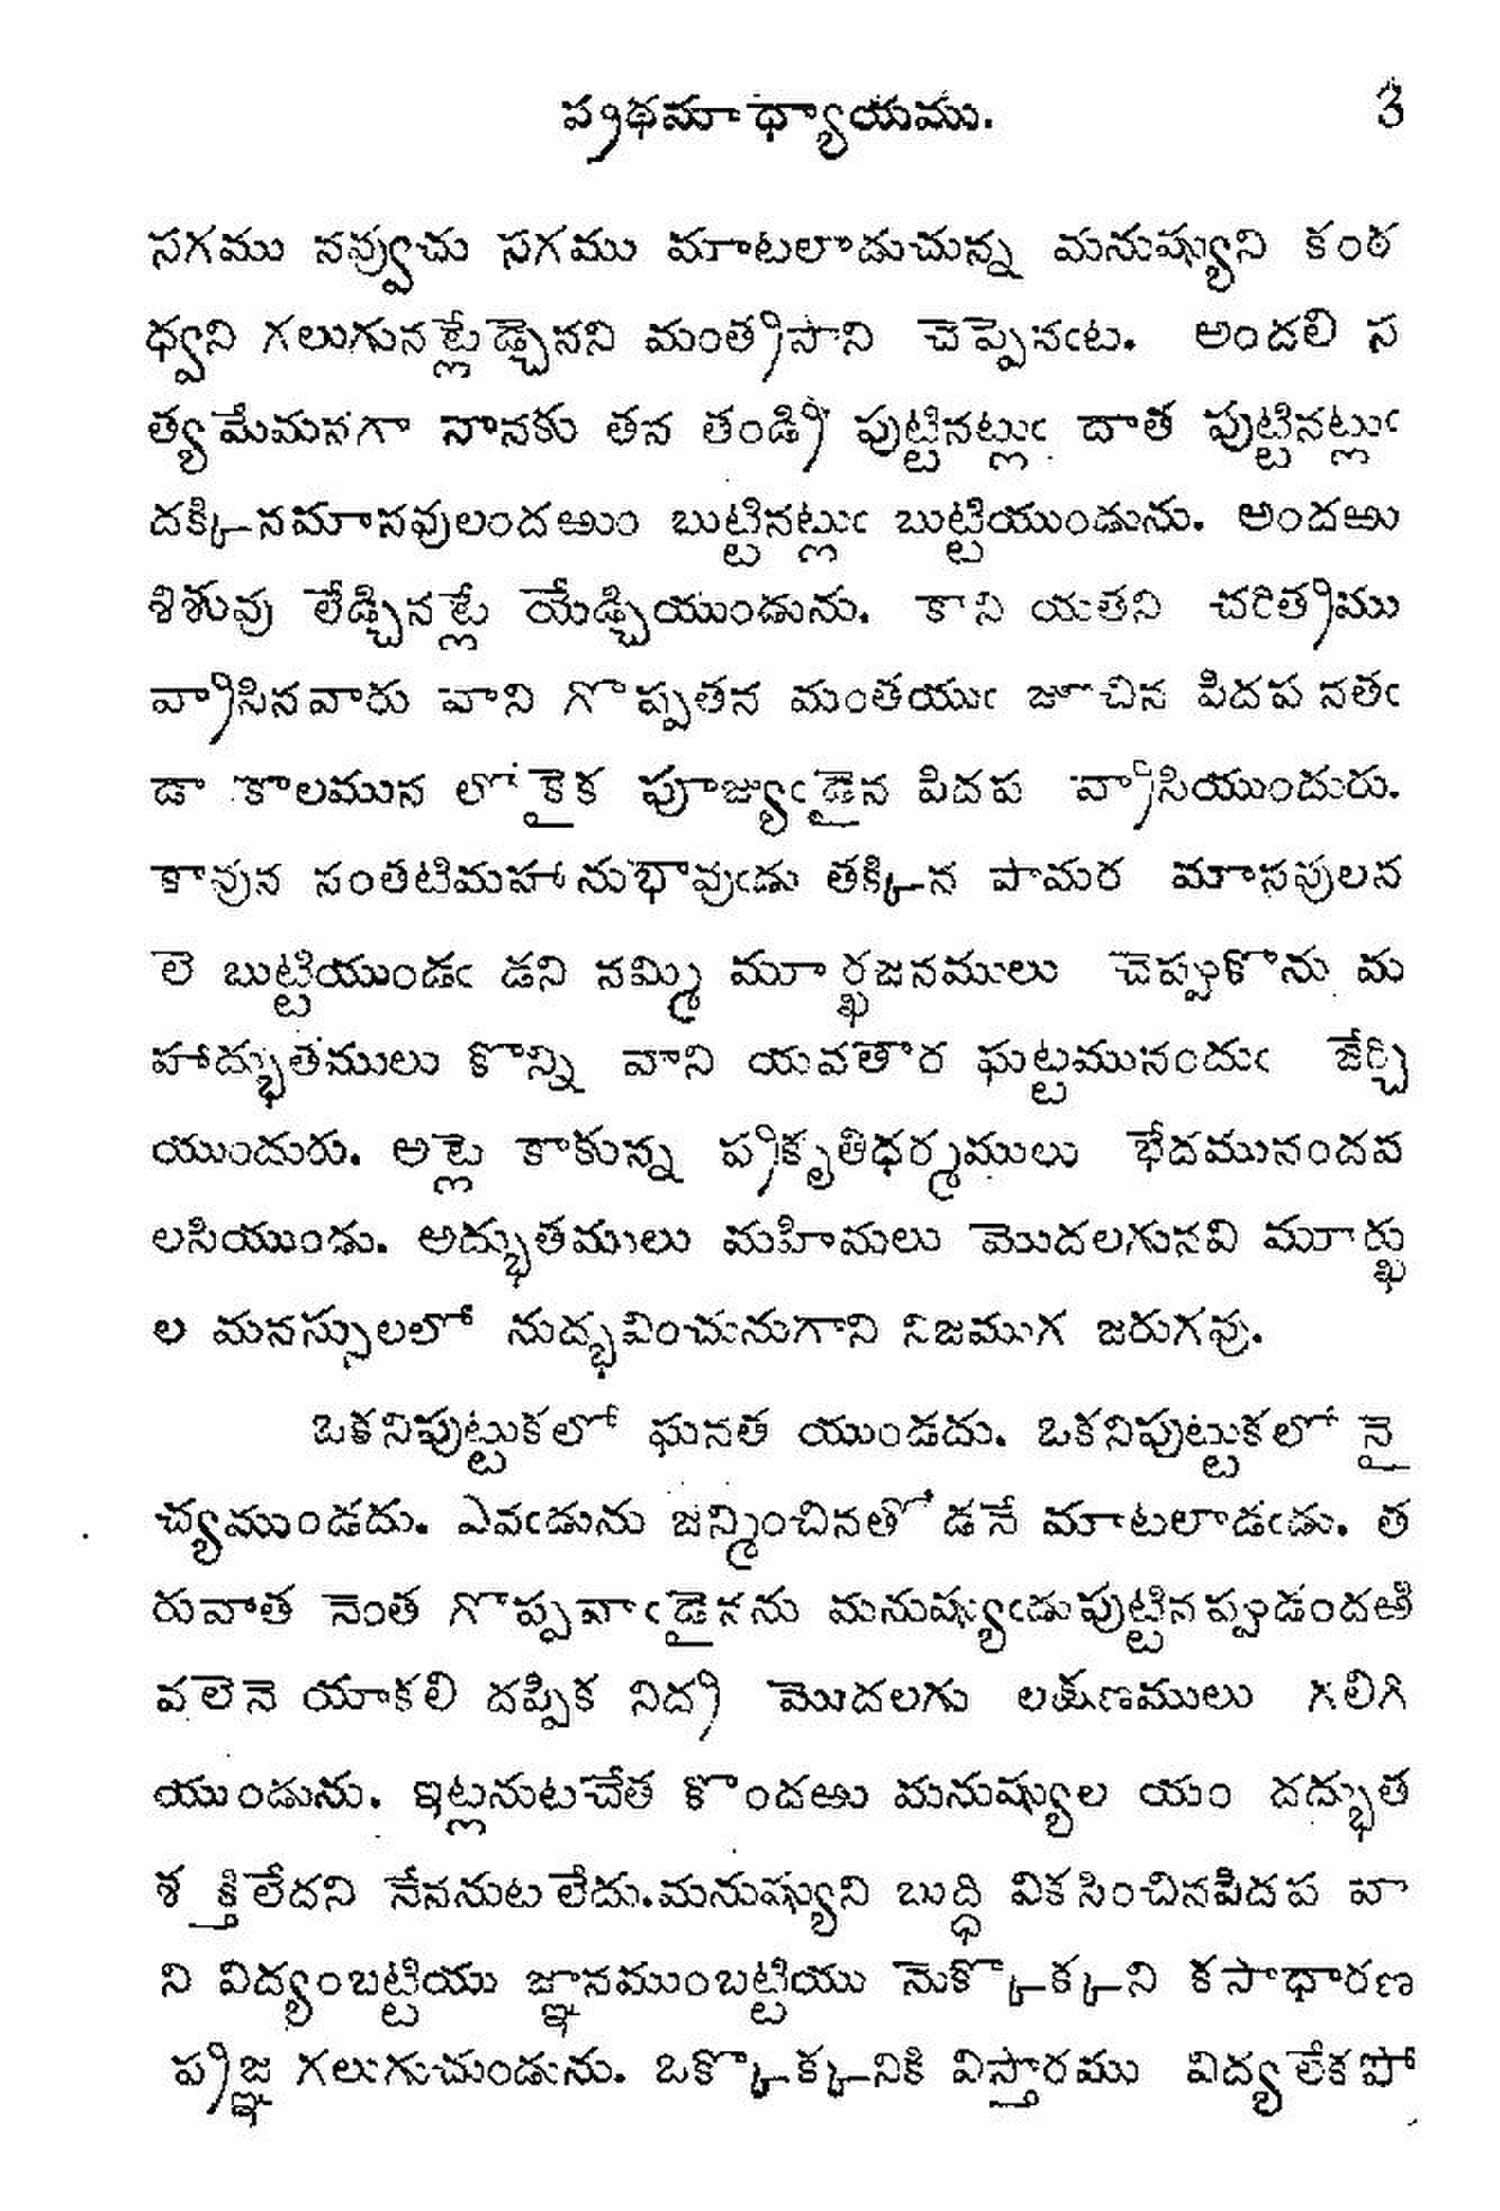సగము నవ్వుచు సగము మాటలాడుచున్న మనుష్యుని కంఠధ్వని గలుగునట్లేడ్చెనని మంత్రసాని చెప్పెనఁట. అందలి సత్యమేమనగా నానకు తన తండ్రి పుట్టినట్లుఁ దాత పుట్టినట్లుఁ దక్కినమానవులందఱుం బుట్టినట్లు బుట్టియుండును. అందఱు శిశువు లేడ్చినట్లే యేడ్చియుండును. కాని యతని చరిత్రము వ్రాసినవారు వాని గొప్పతన మంతయు జూచిన పిదప నతడా కాలమున లోకైక పూజ్యుఁడైన పిదప వ్రాసియుందురు. కావున నంతటి మహానుభావుడు తక్కిన పామర మానవులవలె బుట్టియుండఁ డని నమ్మి మూర్ఖజనములు చెప్పుకొను మహాద్భుతములు కొన్ని వాని యవతార ఘట్టమునందుఁ జేర్చి యుందురు. అట్లె కాకున్న ప్రకృతిధర్మములు భేదమునందవలసియుండు. అద్భుతములు మహిమలు మొదలగునవి మూర్ఖుల మనస్సులలో నుద్భవించునుగాని నిజముగ జరుగవు.

ఒకనిపుట్టుకలో ఘనత యుండదు. ఒకనిపుట్టుకలో నైచ్యముండదు. ఎవఁడును జన్మించినతోడనే మాటలాడఁడు. తరువాత నెంత గొప్పవాఁడైనను మనుష్యుఁడు పుట్టినప్పుడందఱి వలెనె యాకలి దప్పిక నిద్ర మొదలగు లక్షణములు గలిగి యుండును. ఇట్లనుటచేత కొందఱు మనుష్యుల యం దద్భుత శక్తిలేదని నేననుట లేదు. మనుష్యుని బుద్ధి వికసించిన పిదప వాని విద్యంబట్టియు జ్ఞానముంబట్టియు నొక్కొక్కని కసాధారణ ప్రజ్ఞ గలుగుచుండును. ఒక్కొక్కనికి విస్తారము విద్యలేకపో